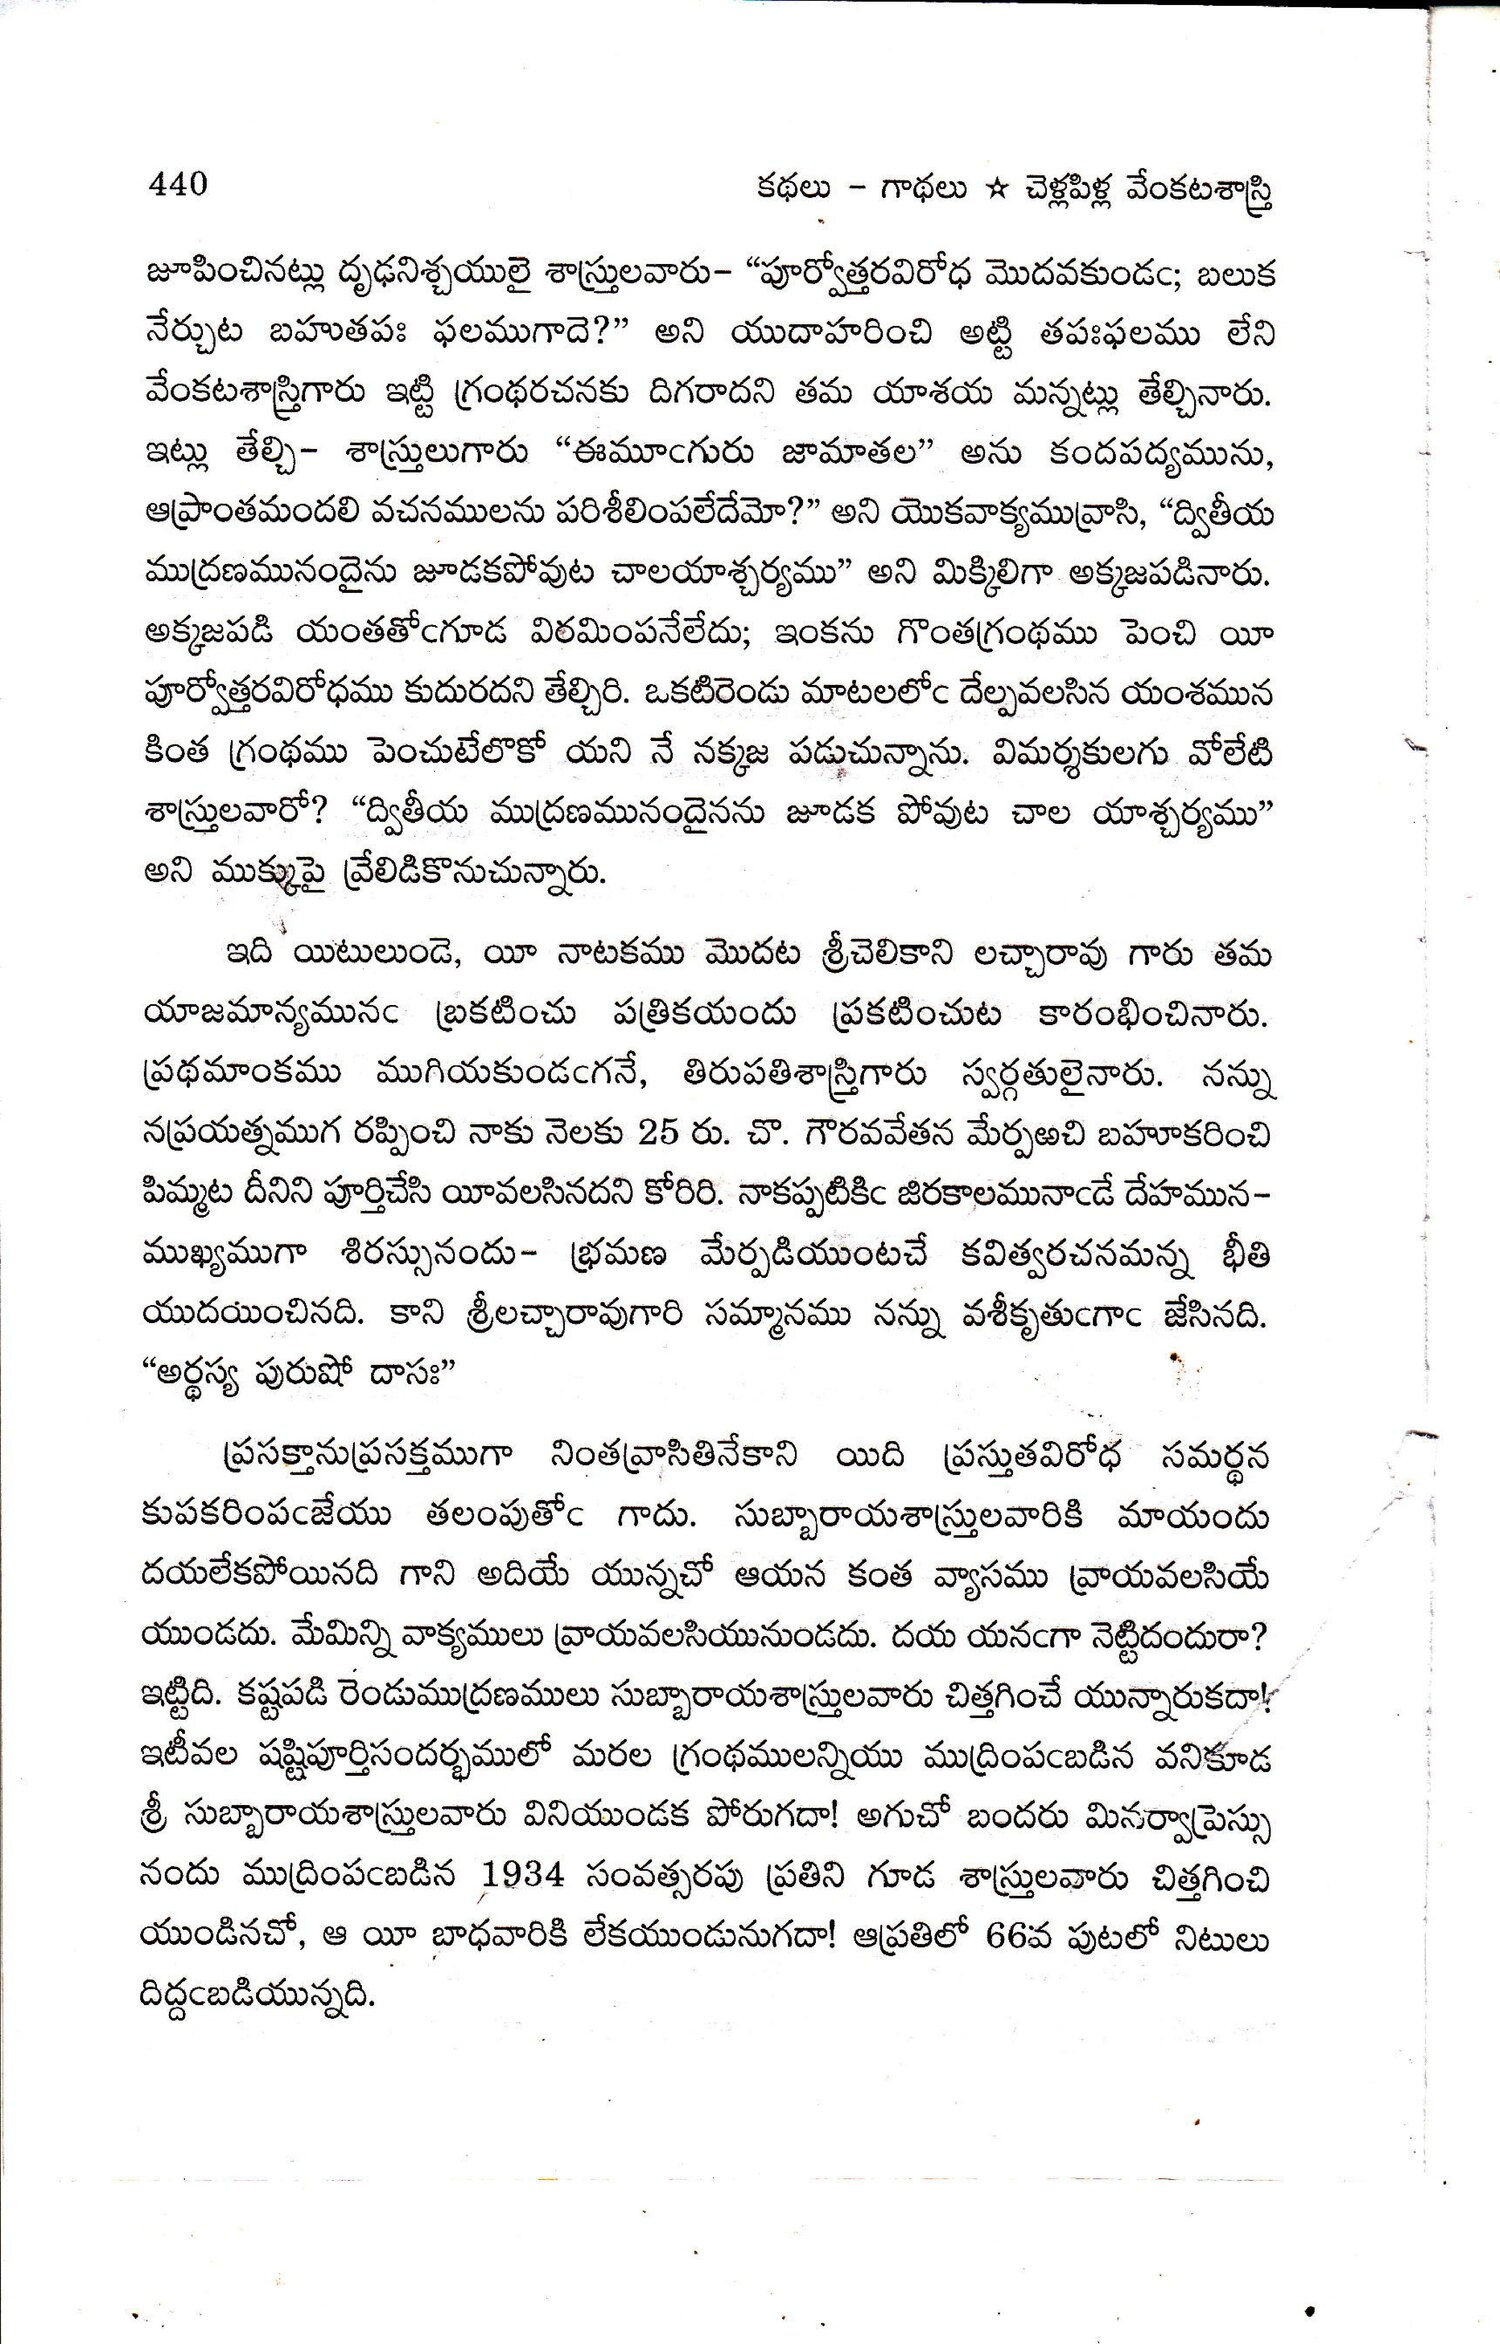జూపించినట్లు దృఢనిశ్చయులై శాస్త్రులవారు- “పూర్వోత్తరవిరోధ మొదవకుండఁ; బలుక నేర్చుట బహుతపః ఫలముగాదె?" అని యుదాహరించి అట్టి తపఃఫలము లేని వేంకటశాస్త్రిగారు ఇట్టి గ్రంథరచనకు దిగరాదని తమ యాశయ మన్నట్లు తేల్చినారు. ఇట్లు తేల్చి- శాస్త్రులుగారు “ఈమూఁగురు జామాతల” అను కందపద్యమును, ఆప్రాంతమందలి వచనములను పరిశీలింపలేదేమో?" అని యొకవాక్యమువ్రాసి, "ద్వితీయ ముద్రణమునందైను జూడకపోవుట చాలయాశ్చర్యము" అని మిక్కిలిగా అక్కజపడినారు. అక్కజపడి యంతతోఁగూడ విరమింపనేలేదు; ఇంకను గొంతగ్రంథము పెంచి యీ పూర్వోత్తరవిరోధము కుదురదని తేల్చిరి. ఒకటిరెండు మాటలలోఁ దేల్పవలసిన యంశమున కింత గ్రంథము పెంచుటేలొకో యని నే నక్కజ పడుచున్నాను. విమర్శకులగు వోలేటి శాస్త్రులవారో? “ద్వితీయ ముద్రణమునందైనను జూడక పోవుట చాల యాశ్చర్యము" అని ముక్కుపై వ్రేలిడికొనుచున్నారు.

ఇది యిటులుండె, యీ నాటకము మొదట శ్రీచెలికాని లచ్చారావు గారు తమ యాజమాన్యమునఁ బ్రకటించు పత్రికయందు ప్రకటించుట కారంభించినారు. ప్రథమాంకము ముగియకుండఁగనే, తిరుపతిశాస్త్రిగారు స్వర్గతులైనారు. నన్ను నప్రయత్నముగ రప్పించి నాకు నెలకు 25 రు. చొ. గౌరవవేతన మేర్పఱచి బహూకరించి పిమ్మట దీనిని పూర్తిచేసి యీవలసినదని కోరిరి. నాకప్పటికిఁ జిరకాలమునాఁడే దేహమున - ముఖ్యముగా శిరస్సునందు- భ్రమణ మేర్పడియుంటచే కవిత్వరచనమన్న భీతి యుదయుంచినది. కాని శ్రీలచ్చారావుగారి సమ్మానము నన్ను వశీకృతుఁగాఁ జేసినది. "అర్ధస్య పురుషో దాసః" 

ప్రసక్తానుప్రసక్తముగా నింత వ్రాసితినేకాని యిది ప్రస్తుతవిరోధ సమర్ధన కుపకరింపఁజేయు తలంపుతోఁ గాదు. సుబ్బారాయశాస్త్రులవారికి మాయందు దయలేకపోయినది గాని అదియే యున్నచో ఆయన కంత వ్యాసము వ్రాయవలసియే యుండదు. మేమిన్ని వాక్యములు వ్రాయవలసియునుండదు. దయ యనఁగా నెట్టిదందురా? ఇట్టిది. కష్టపడి రెండుముద్రణములు సుబ్బారాయశాస్త్రులవారు చిత్తగించే యున్నారుకదా! ఇటీవల షష్టిపూర్తిసందర్భములో మరల గ్రంథములన్నియు ముద్రింపఁబడిన వనికూడ శ్రీ సుబ్బారాయశాస్త్రులవారు వినియుండక పోరుగదా! అగుచో బందరు మినర్వాప్రెస్సు నందు ముద్రింపఁబడిన 1934 సంవత్సరపు ప్రతిని గూడ శాస్త్రులవారు చిత్తగించి యుండినచో, ఆ యీ బాధవారికి లేకయుండునుగదా! ఆప్రతిలో 66వ పుటలో నిటులు దిద్దఁబడియున్నది. -